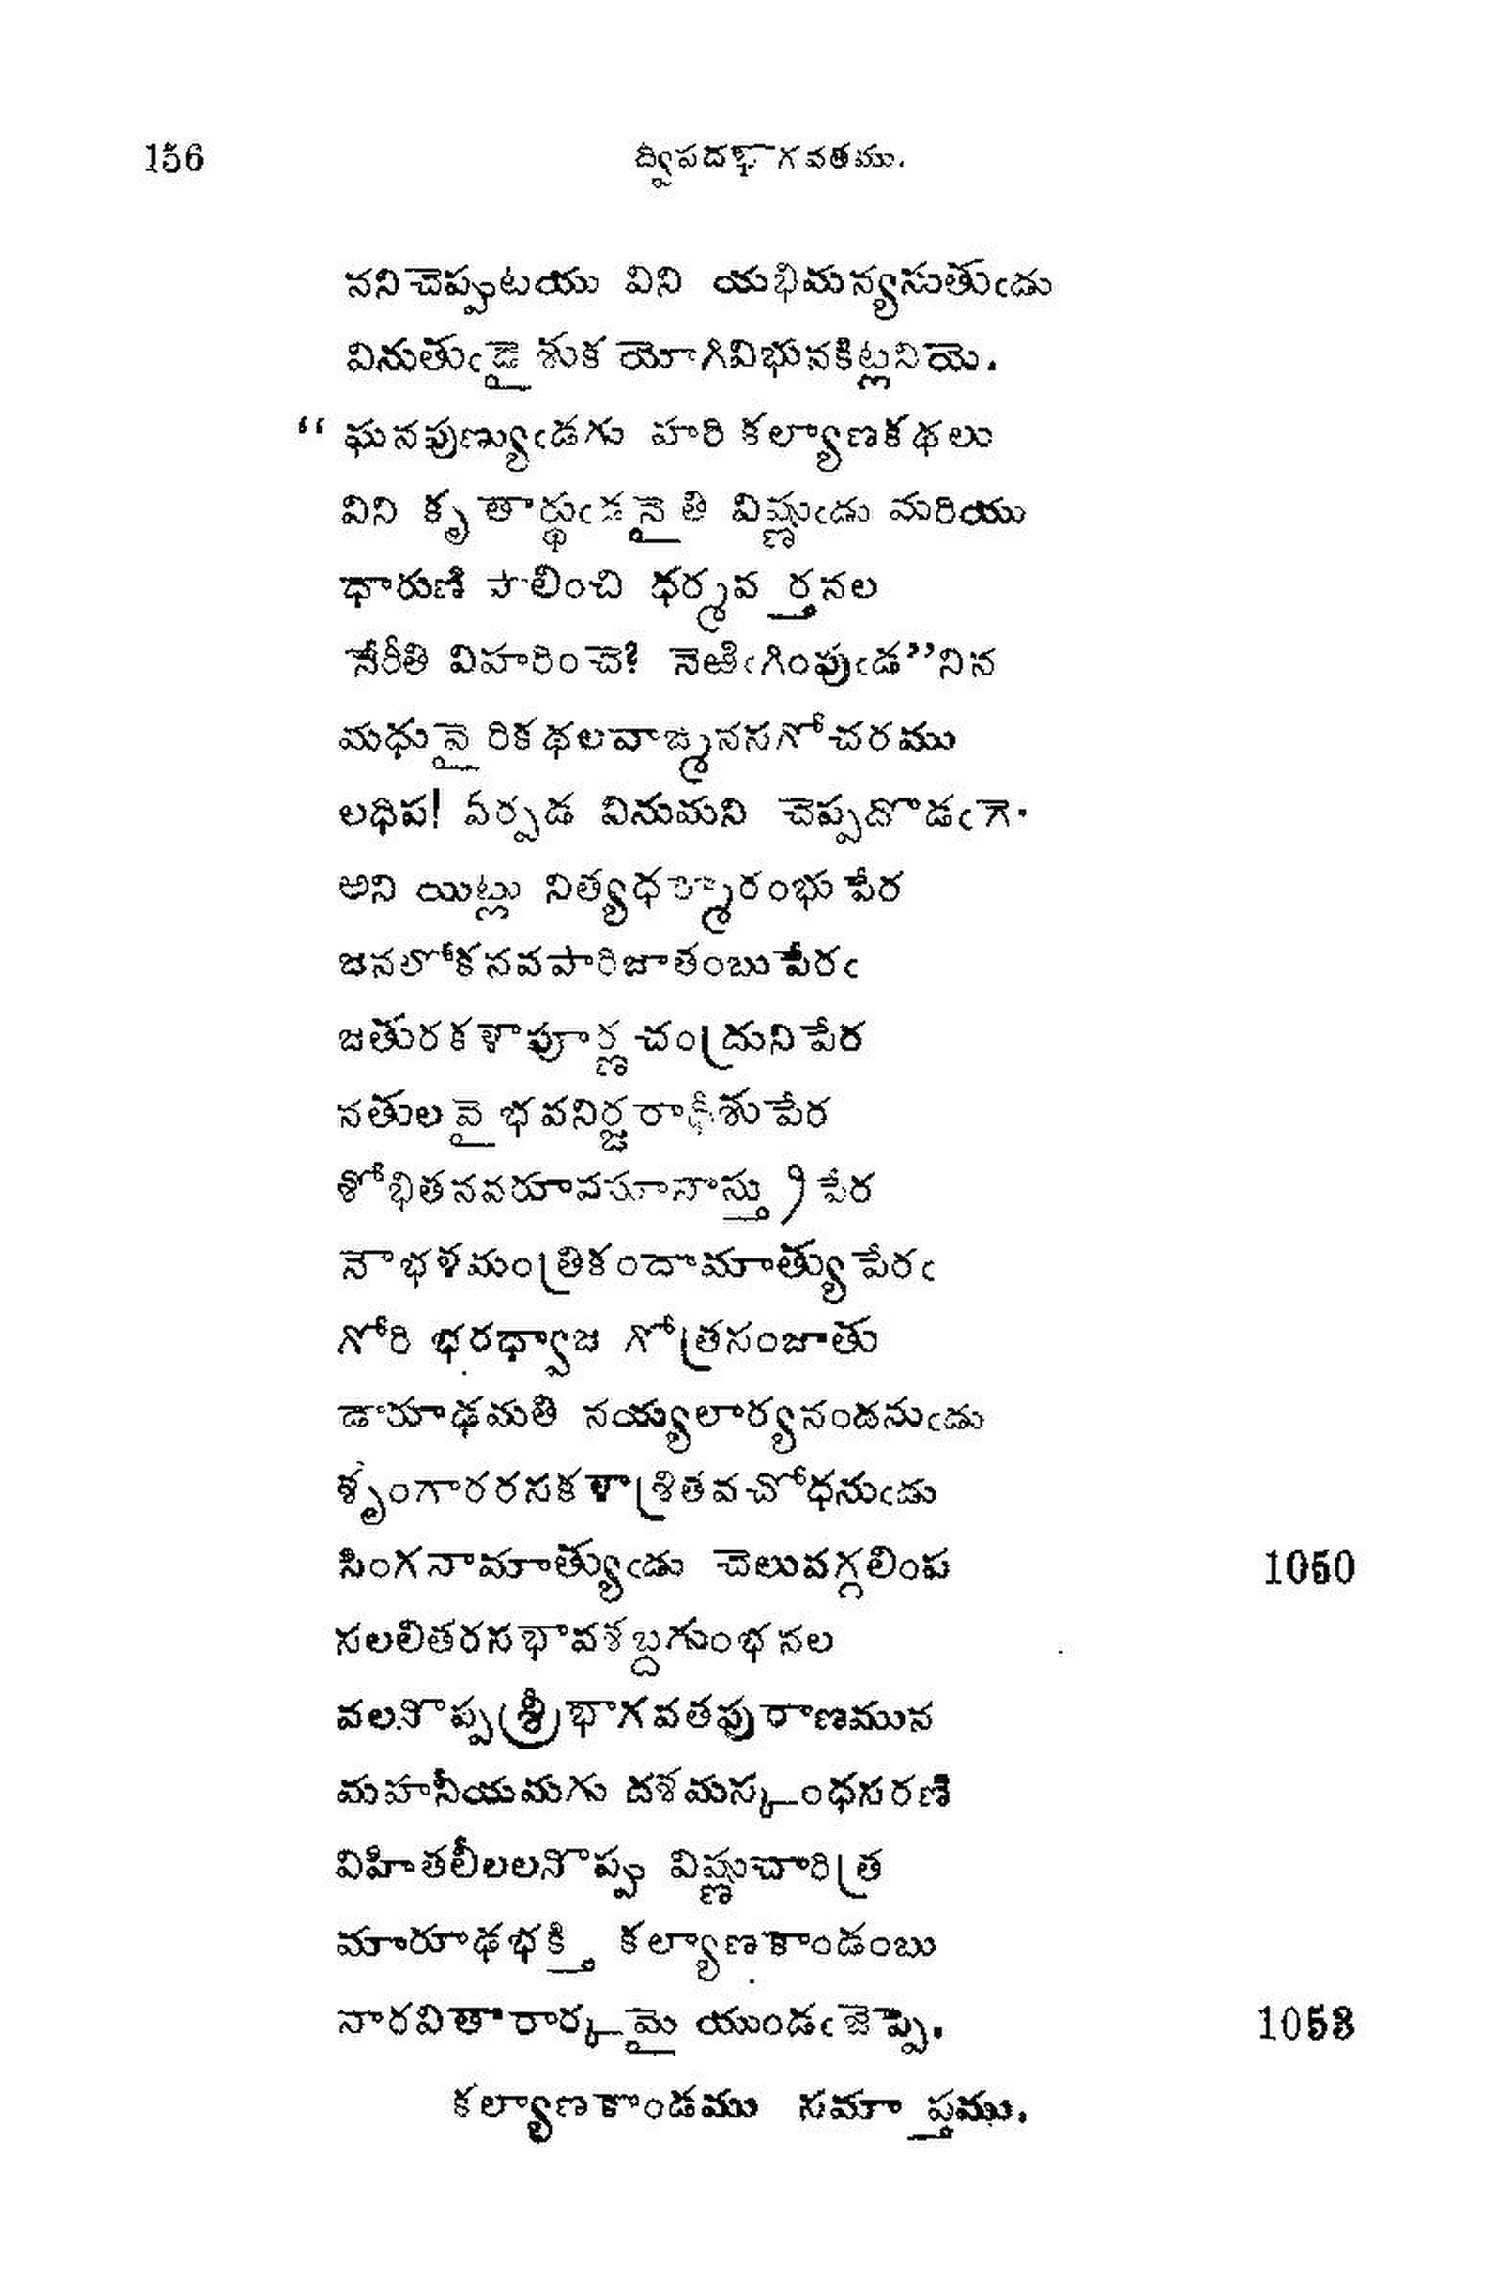నని చెప్పుటయు విని యభిమన్యసుతుఁడు
వినుతుఁడై శుకయోగివిభునకిట్లనియె. 
“ఘనపుణ్యుఁడగు హరి కల్యాణకథలు
విని కృతార్థుఁడనైతి విష్ణుఁడు మరియు
ధారుణి పాలించి ధర్మవర్తనుల
నేరీతి విహరించె? నెఱిఁగింపు”డనిన
మధువైరికథలవాఙ్మనసగోచరము
లధిప! ఏర్పడ వినుమని చెప్పదొఁడగె. 
అని యిట్లు నిత్యధర్మారంభుపేర
జనలోకనవపారిజాతంబుపేరఁ
జతురకళాపూర్ణచంద్రునిపేర
నతులవైభవనిర్జరాధీశుపేర
శోభితనవరూపసూనాస్త్రుపేర
నౌభళమంత్రికందామాత్యుపేరఁ
గోరి భరద్వాజ గోత్రసంజాతు
డారూఢమతి నయ్యలార్యనందనుఁడు
శృంగారరసకళాశ్రితవచోధనుఁడు
సింగనామాత్యుఁడు చెలువగ్గలింప
సలలితరసభావశబ్దగుంభనల
వలనొప్ప శ్రీభాగవతపురాణమున
మహనీయమగు దశమస్కంధసరణి
విహితలీలలనొప్పు విష్ణుచారిత్ర
మారూఢభక్తి కల్యాణకాండంబు
నారవితారార్కమై యుండఁజెప్పె. 
కల్యాణకాండము సమాప్తము.